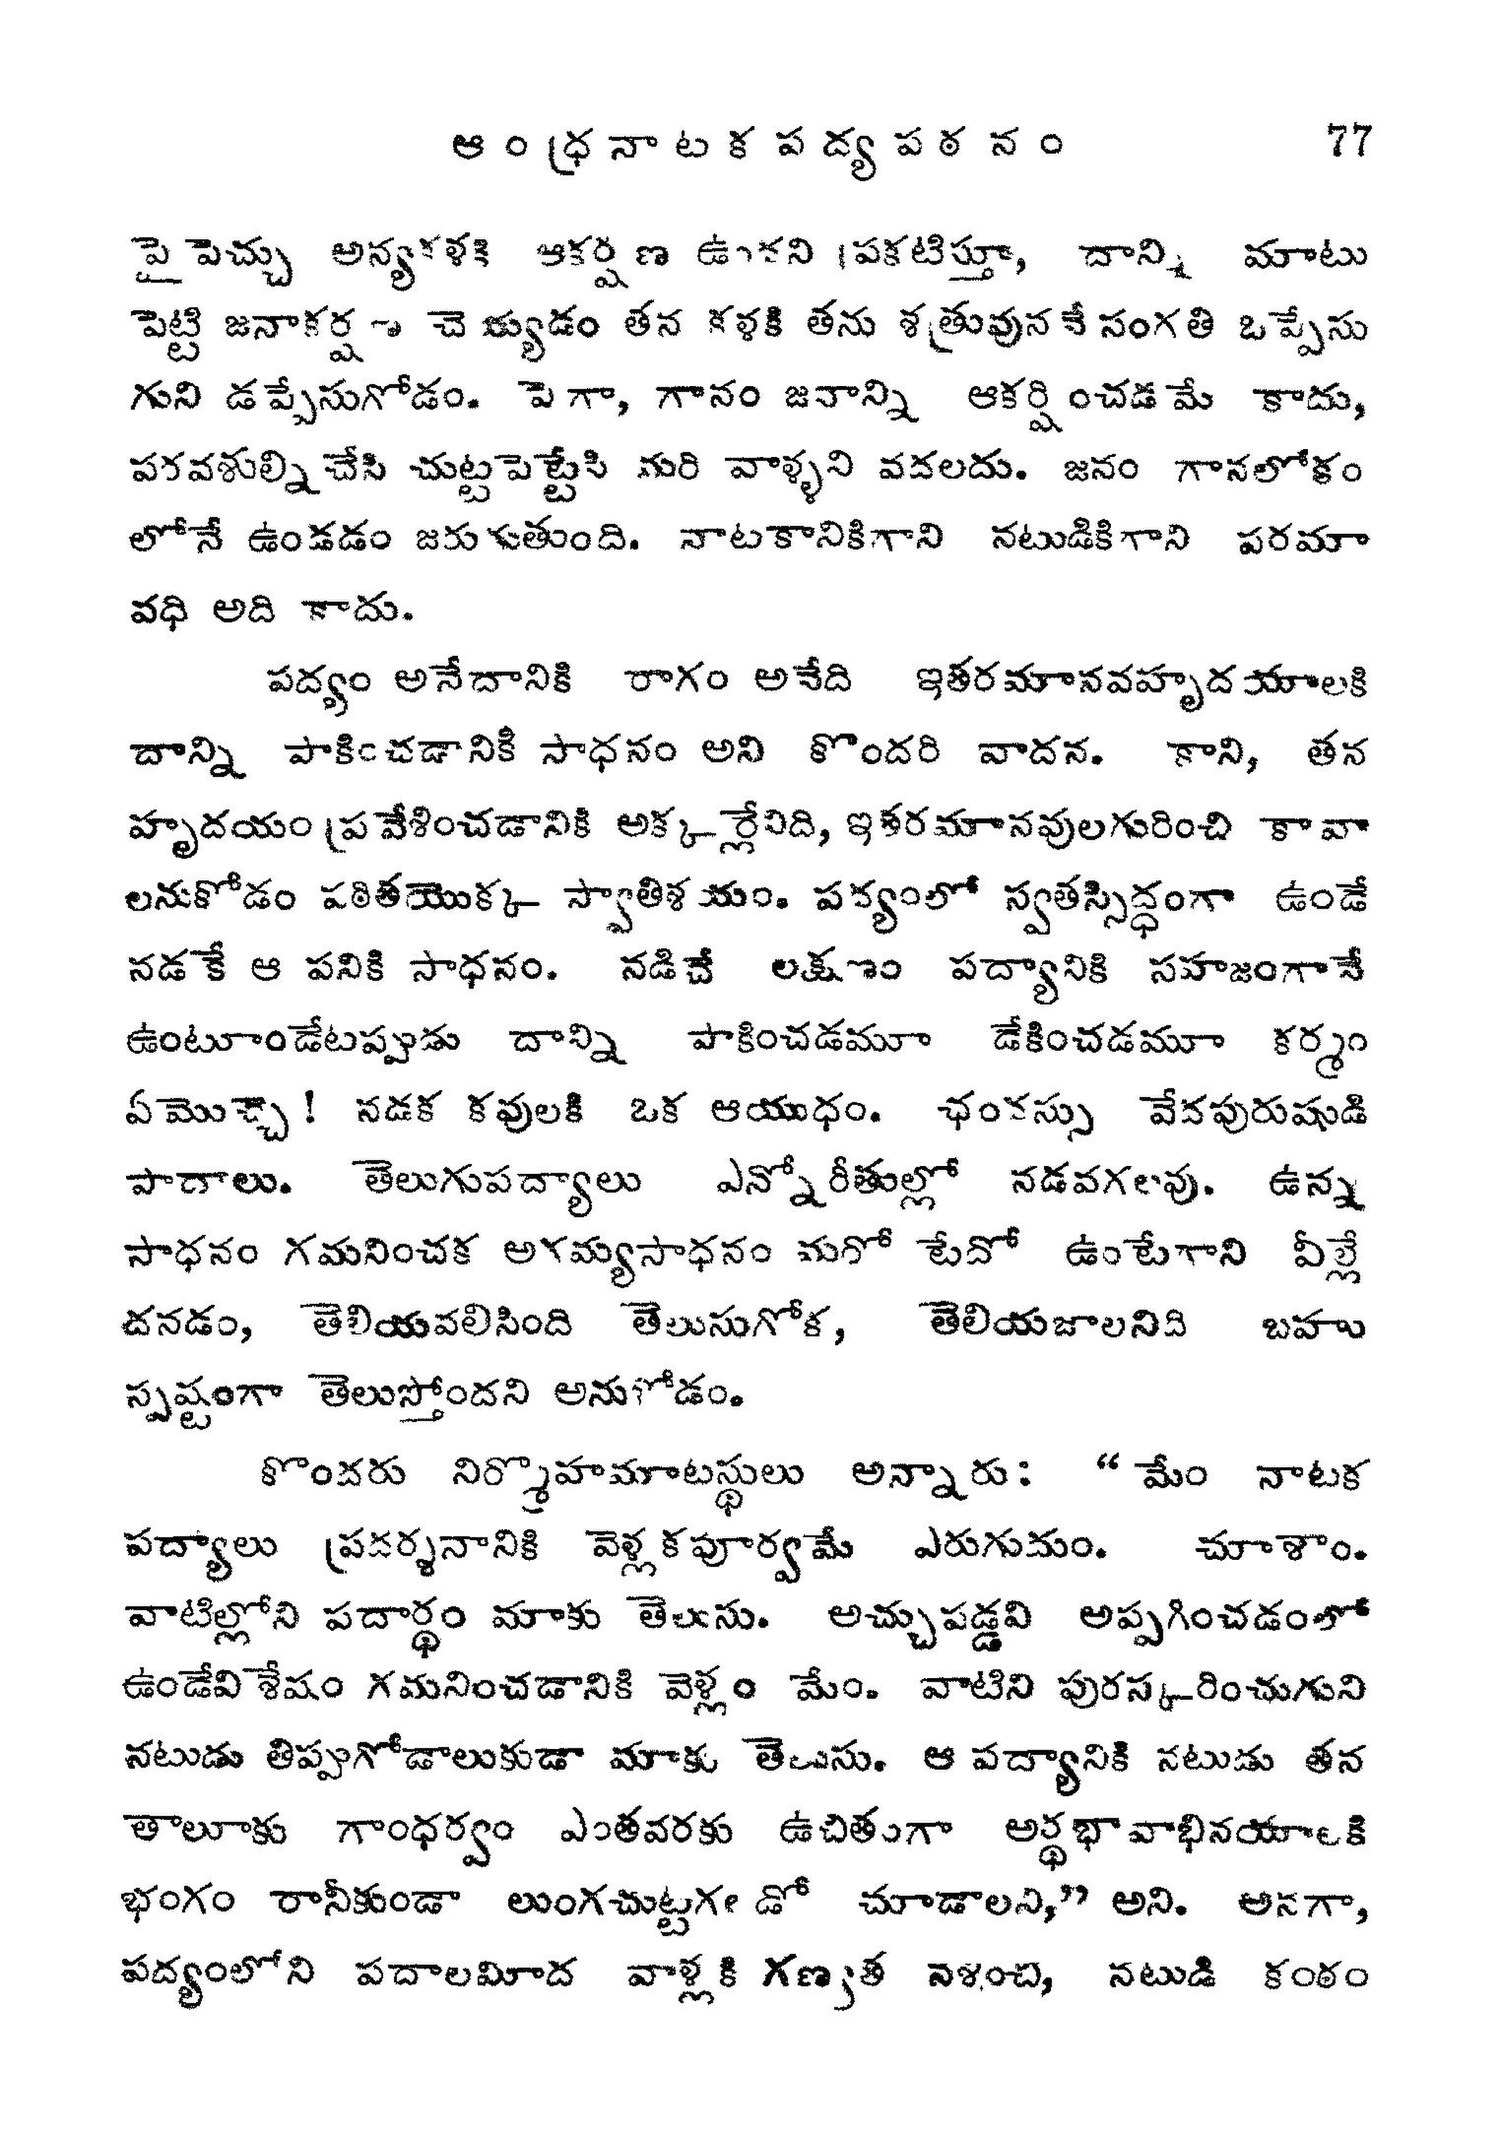పై పెచ్చు అన్యకళకి ఆకర్షణ ఉందని ప్రకటిస్తూ, దాన్ని మాటు
పెట్టి జనాకర్షణ చెయ్యడం తన కళకి తను శత్రువుననే సంగతి ఒప్పేసు
గుని డప్పేసుగోడం. పెగా, గానం జనాన్ని ఆకర్షించడమే కాదు,
పరవశుల్నిచేసి చుట్టపెట్టేసి మరి వాళ్ళని వదలదు. జనం గానలోకం
లోనే ఉండడం జరుగుతుంది. నాటకానికిగాని నటుడికిగాని పరమా
వధి అది కాదు.

పద్యం అనేదానికి రాగం అనేది ఇతరమానవహృదయాలకి
దాన్ని పాకించడానికి సాధనం అని కొందరి వాదన. కాని, తన
హృదయం ప్రవేశించడానికి అక్క ర్లేనిది, ఇతరమానవులగురించి కావా
లనుకోడం పఠితయొక్క స్వాతిశయం. పద్యంలో స్వతస్సిద్ధంగా ఉండే
నడకే ఆ పనికి సాధనం. నడిచే లక్షణం పద్యానికి సహజంగానే
ఉంటూండేటప్పుడు దాన్ని పాకించడమూ డేకించడమూ కర్మం
ఏమొచ్చె! నడక కవులకి ఒక ఆయుధం. ఛందస్సు వేదపురుషుడి
పాదాలు. తెలుగుపద్యాలు ఎన్నోరీతుల్లో నడవగలవు. ఉన్న
సాధనం గమనించక అగమ్యసాధనం మరో టేదో ఉంటేగాని వీల్లే
దనడం, తెలియవలిసింది తెలుసుగోక, తెలియజాలనిది బహు
స్పష్టంగా తెలుస్తోందని అనుకోడం.

కొందరు నిర్మొహమాటస్థులు అన్నారు: “ మేం నాటక
పద్యాలు ప్రదర్శనానికి వెళ్లకపూర్వమే ఎరుగుదుం. చూశాం.
వాటిల్లోని పదార్థం మాకు తెలుసు. అచ్చుపడ్డవి అప్పగించడంలో
ఉండేవిశేషం గమనించడానికి వెళ్లం మేం. వాటిని పురస్కరించుగుని
నటుడు తిప్పుగోడాలుకుడా మాకు తెలుసు. ఆ పద్యానికి నటుడు తన
తాలూకు గాంధర్వం ఎంతవరకు ఉచితంగా అర్థభావాభినయాలకి
భంగం రానీకుండా లుంగచుట్టగలడో చూడాలని,” అని. అనగా,
పద్యంలోని పదాలమీద వాళ్లకి గణ్యత నశించి, నటుడి కంఠం